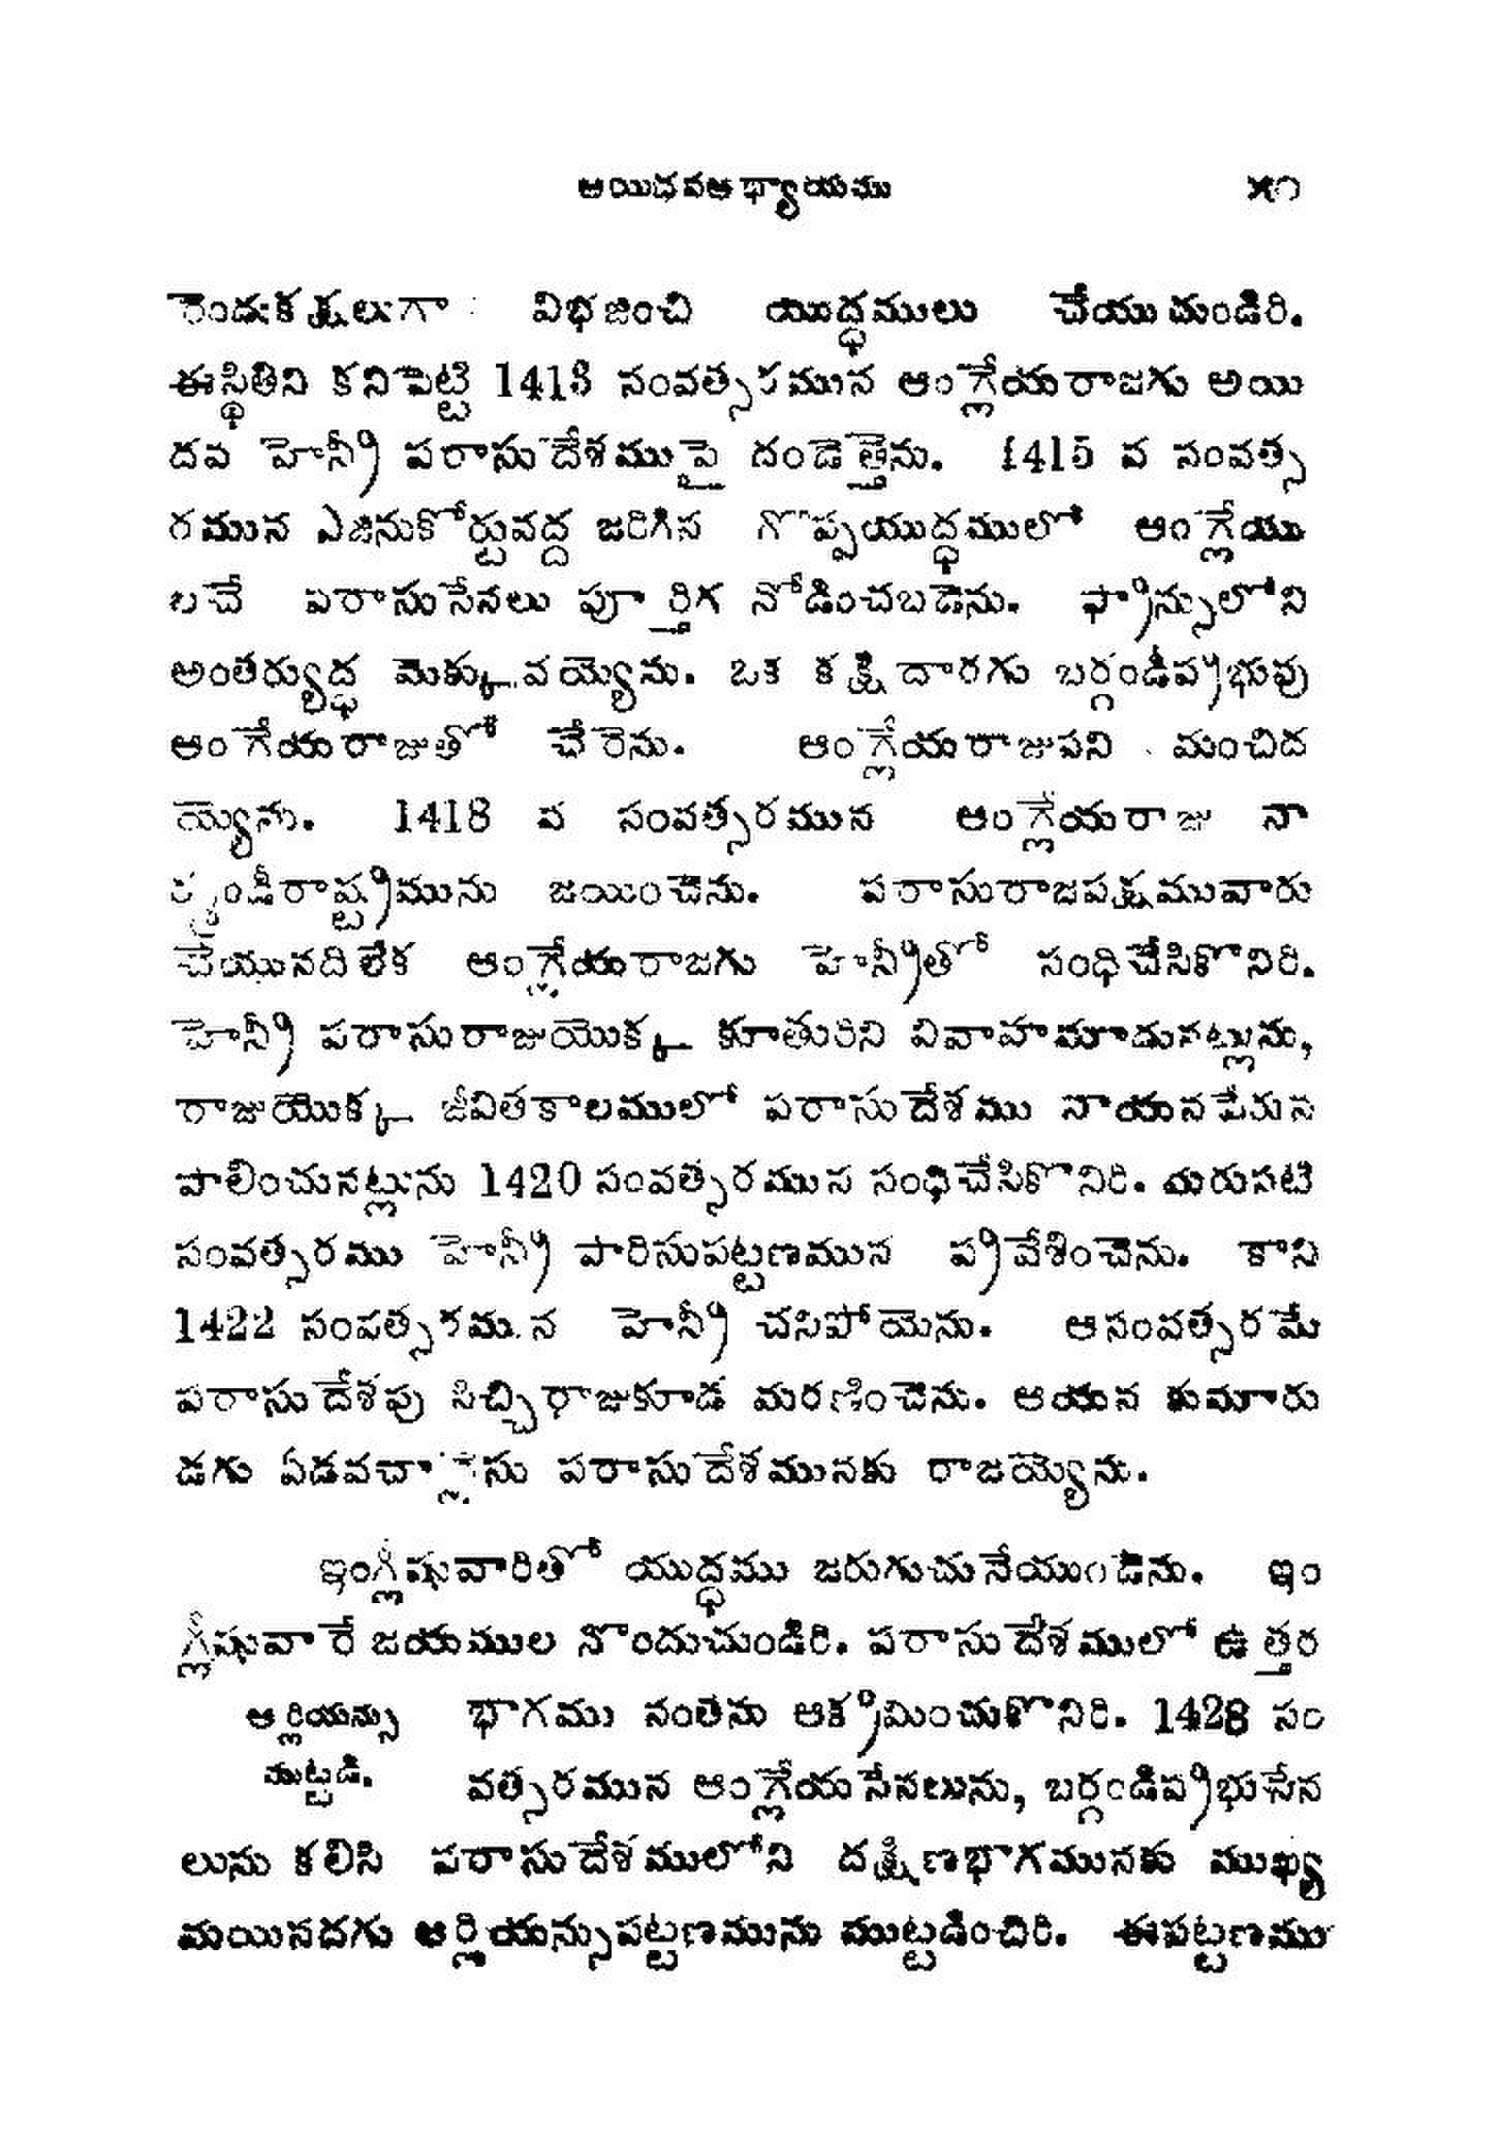రెండుకళలుగా: విభజించి యుద్ధములు చేయుచుండిరి.
ఈ స్థితిని కని పెట్టి 1413 సంవత్సరమున ఆంగ్లేయ రాజగు అయి
దవ 'హెన్ రీ పరాసు దేశము పై దండెత్తెను. 1415 వ సంవత్స
గమున ఎజినోకోర్టువద్ద జరిగిన గొప్ప యుద్ధములో ఆంగ్లేయు
పరాసు సేనలు పూర్తిగ నోడించబడెను. ఫ్రాన్సులోని
అంతర్యుద్ధ మెక్కు,వయ్యెను. ఒక కక్షి దారగు బర్గండీ ప్రభువు
ఆం గేయ రాజుతో చేరెను. ఆంగ్లేయ రాజుపని , మంచిద
య్యెను. 1418 వ సంవత్సరమున ఆంగ్లేయరాజు నా
ర్మండీ రాష్ట్రమును జయించెను. పరాసు రాజపక్షము వారు
చేయునది లేక ఆంగ్లేయ రాజగు హెన్రీతో సంధి చేసికొనిరి.
హేన్రీ పరాసురాజు యొక్క కూతురిని వివాహమాడునట్లును,
రాజు యొక్క జీవితకాలములో పరాసు దేశము నాయన పేరును
పాలించునట్లును 1420 సంవత్సరమున సంధి చేసికొనిరి. మరుసటి
సంవత్సరము 'హెన్రీ పారిసు పట్టణమున ప్రవేశించెను. కాని
1422 సంవత్సరమ. న హెన్రీ చనిపోయెను. ఆ సంవత్సరమే
పరాసు దేశపు పిచ్చి రాజుకూడ మరణించెను. ఆయన కుమారు
డగు ఏడవచార్లెసు పరాసు దేశమునకు రాజయ్యేను.

ఇంగ్లీషు వారితో యుద్ధము జరుగుచునేయుండెసు.
ఇంగ్లీషువా రేజయముల నొందుచుండిరి. పరాసు దేశములో ఉత్తర
భాగము నంతను ఆక్రమించు కొనిరి. 1428 సం
వత్సరమున ఆంగ్లేయ సేనలును, బర్గండి ప్రభుసేన
లును కలిసి పరాసుదేశము లోని దక్షిణ భాగమునకు ముఖ్య
మయిన దగు ఆర్డియన్సు పట్టణమును ముట్టడించిరి. ఈ పట్టణము